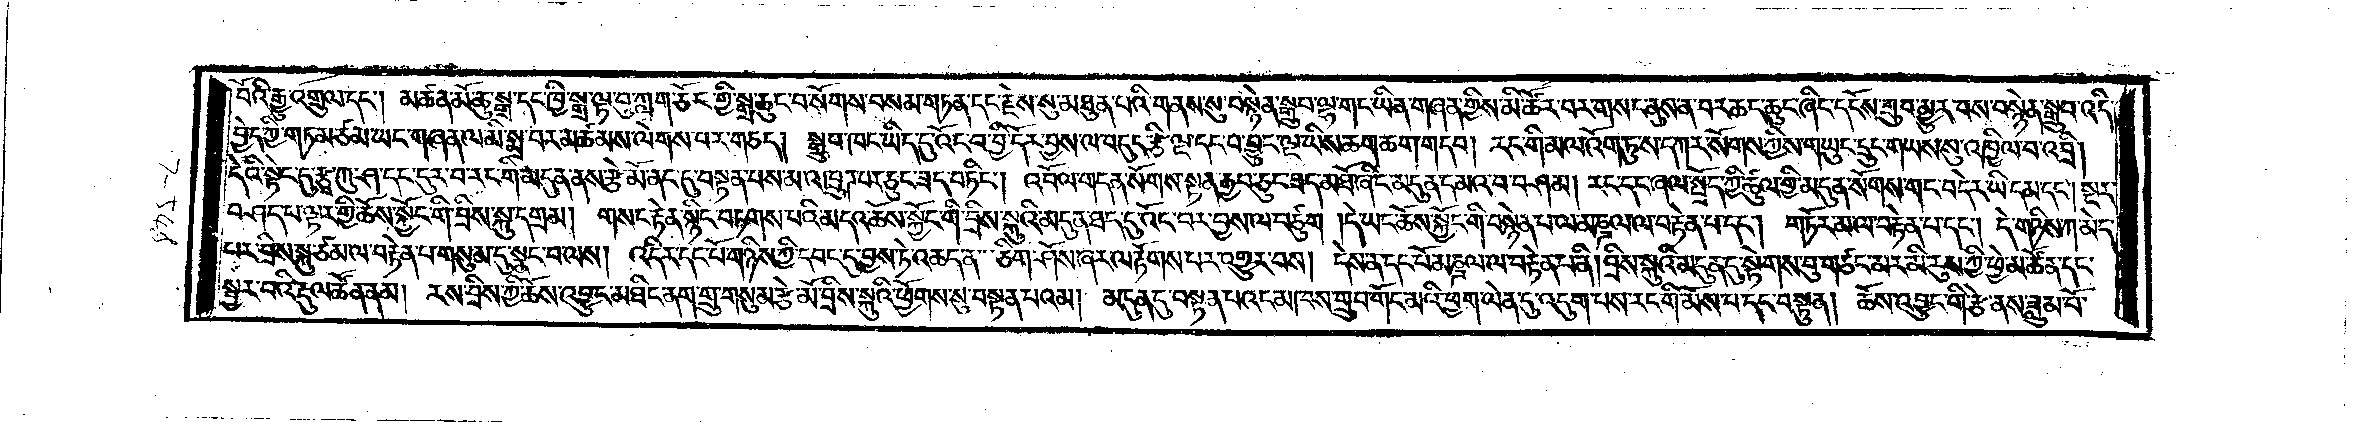བོའི་རྒྱུ་འགྲུལ་དང་། མཚན་མོ་ཆུ་སྒྲ་དང་ཁྱི་སྒྲ་ལྟ་བུ་ཀླག་ཅོར་གྱི་སྒྲ་ཆུང་བ་སོགས་བསམ་གཏན་དང་རྗེས་སུ་མཐུན་པའི་གནས་སུ་བསྙེན་སྒྲུབ་ལྷ་གང་ཡིན་གཞན་གྱིས་མི་ཚོར་བར་གསང་ནུས་ན་བར་ཆད་ཆུང་ཞིང་དངོས་གྲུབ་མྱུར་བས་བསྙེན་སྒྲུབ་འདི་
བྱེད་ཀྱི་གཏམ་ཙམ་ཡང་གཞན་ལ་མི་སྨྲ་བར་མཚམས་ལེགས་པར་གཅད། སྒྲུབ་ཁང་ཡིད་དུ་འོང་བ་བྱི་དོར་བྱས་ལ་བདུད་རྩི་ལྔ་དང་བ་བྱུང་ལྔ་ཡིས་ཆག་ཆག་གདབ། རང་གི་མལ་འོག་ཏུ་ས་དཀར་སོགས་ཀྱིས་གཡུང་དྲུང་གཡས་སུ་འཁྱིལ་བ་འབྲི།
དེའི་སྟེང་དུ་རྩྭ་ཀུ་ཤ་དང་དུར་ལ་རང་གི་མདུན་ནས་རྩེ་མོ་ནང་དུ་བསྟན་པས་མ་འཁྲུག་བ་ཅུང་ཟད་བཏིང་། འབོལ་གདན་སོགས་སྟན་རྒྱབ་ཅུང་ཟད་མཐོ་ཞིང་མདུན་ན་དམའ་བ་བཤམ། རང་དང་ཞལ་སྤྲོད་ཀྱི་ཚུལ་གྱི་མདུན་སོགས་གང་བ་དེར་ཡི་དམ་དང་། སྔར་
བཤད་པ་ལྟར་གྱི་ཆོས་སྐྱོང་གི་བྲིས་སྐུ་དགྲམ། གསང་རྟེན་སྙིང་བཏགས་པའི་མདའ་ཆོས་སྐྱོང་གི་བྲིས་སྐུའི་མདུན་ཐད་དུ་འོང་བར་བྱས་ལ་བཙུག །དེ་ཡང་ཆོས་སྐྱོང་གི་བསྙེན་པ་ལ་མཎྜལ་ལ་བརྟེན་པ་དང་།གཏོར་མ་ལ་བརྟེན་པ་དང་། དེ་གཉིས་ཀ་མེད་
པར་བྲིས་སྐུ་ཙམ་ལ་བརྟེན་པ་གསུམ་དུ་སྣང་བ་ལས། འདིར་དང་པོ་གཉིས་ཀྱི་དབང་དུ་བྱས་ཏེ་འཆད་ན་ཅིག་ཤོས་ཞར་ལ་རྟོགས་པར་འགྱུར་བས། དེས་ན་དང་པོ་མཎྜལ་ལ་བརྟེན་པ་ནི། བྲིས་སྐུའི་མདུན་དུ་སྟེགས་བུ་གཙང་མར་མི་རུས་ཀྱི་ཕྱེ་མཚོན་ད་ལ་
སྦྱར་པའི་རྡུལ་ཚོན་ནམ། རས་བྲིས་ཀྱི་ཆོས་འབྱུང་མཐིང་ནག་གྲུ་གསུམ་རྩེ་མོ་བྲིས་སྐུའི་ཕྱོགས་སུ་བསྟན་པའམ། མདུན་དུ་བསྟན་པའང་མཁས་གྲུབ་གོང་མའི་ཕྱག་ལེན་དུ་འདུག་པས་རང་གི་མོས་པ་དང་བསྟུན། ཆོས་འབྱུང་གི་རྩེ་ནས་ཟླུམ་པོ་